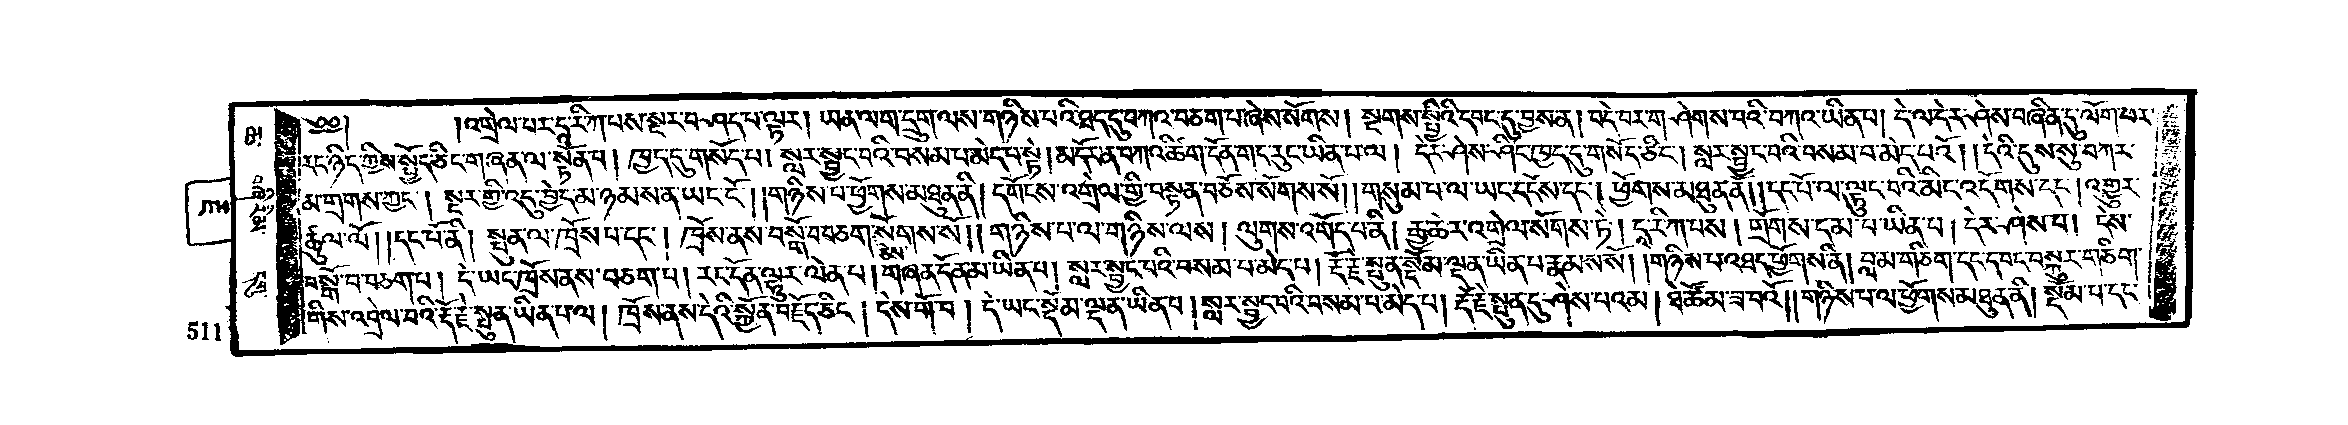༄༅། །འགྲེལ་པར་དཱ་རི་ཀ་པས་སྔར་བཤད་པ་ལྟར། ཡན་ལག་དྲུག་ལས་གཉིས་པའི་ཐད་དུ་བཀའ་བཅག་པ་ཞེས་སོགས། སྔགས་སྤྱིའི་དབང་དུ་བྱས་ན། བདེ་བར་གཤེགས་པའི་བཀའ་ཡིན་པ། དེ་ལ་དེར་ཤེས་བཞིན་དུ་ལོག་པར་
རང་ཉིད་ཀྱིས་སྤྱོད་ཅིང་གཞན་ལ་སྟོན་པ། ཁྱད་དུ་གསོད་པ། སླར་སྦྱང་བའི་བསམ་པ་མེད་པ་སྟེ། མདོར་ན་བཀའ་ཚིག་དོན་གང་རུང་ཡིན་པ་ལ། དེར་ཤེས་ཤིང་ཁྱད་དུ་གསོད་ཅིང་། སླར་སྦྱང་བའི་བསམ་པ་མེད་པའོ། །དེའི་དུས་སུ་བཀར་
མ་གྲགས་ཀྱང་། སྔར་གྱི་འདུ་བྱེད་མ་ཉམས་ན་ཡང་ངོ། །གཉིས་པ་ཕྱོགས་མཐུན་ནི། དགོངས་འགྲེལ་གྱི་བསྟན་བཅོས་སོགས་སོ། །གསུམ་པ་ལ་ཡང་དངོས་དང་། ཕྱོགས་མཐུན་ནོ། །དང་པོ་ལ་ལྟུང་བའི་མིང་འདོགས་དང་། འགྱུར་
ཚུལ་ལོ། །དང་པོ་ནི། སྤུན་ལ་ཁྲོས་པ་དང་། ཁྲོས་ནས་བསྒོ་བ་བཅག་ཅེས་སོགས་སོ། །གཉིས་པ་ལ་གཉིས་ལས། ལུགས་འགོད་པ་ནི། རྒྱ་ཆེར་འགྲེལ་སོགས་ཏེ། དཱ་རི་ཀ་པས། གྲོགས་དམ་པ་ཡིན་པ། དེར་ཤེས་པ། དེས་
བསྒོ་བ་བཅག་པ། དེ་ཡང་ཁྲོས་ནས་བཅག་པ། རང་དོན་ལྷུར་ལེན་པ། གཞན་དོན་མ་ཡིན་པ། སླར་སྦྱང་པའི་བསམ་པ་མེད་པ། རྡོ་རྗེ་སྤུན་སྡོམ་ལྡན་ཡིན་པ་རྣམས་སོ། །གཉིས་པ་འཐད་ཕྱོགས་ནི། བླ་མ་གཅིག་དང་དབང་བསྐུར་གཅིག་
གིས་འབྲེལ་བའི་རྡོ་རྗེ་སྤུན་ཡིན་པ་ལ། ཁྲོས་ནས་དེའི་སྐྱོན་བརྗོད་ཅིང་། དེས་གོ་བ། དེ་ཡང་སྡོམ་ལྡན་ཡིན་པ། སླར་སྦྱང་བའི་བསམ་པ་མེད་པ། རྡོ་རྗེ་སྤུན་དུ་ཤེས་པའམ། ཐེ་ཚོམ་ཟ་བའོ། །གཉིས་པ་ལ་ཕྱོགས་མཐུན་ནི། སྡོམ་པ་དང་